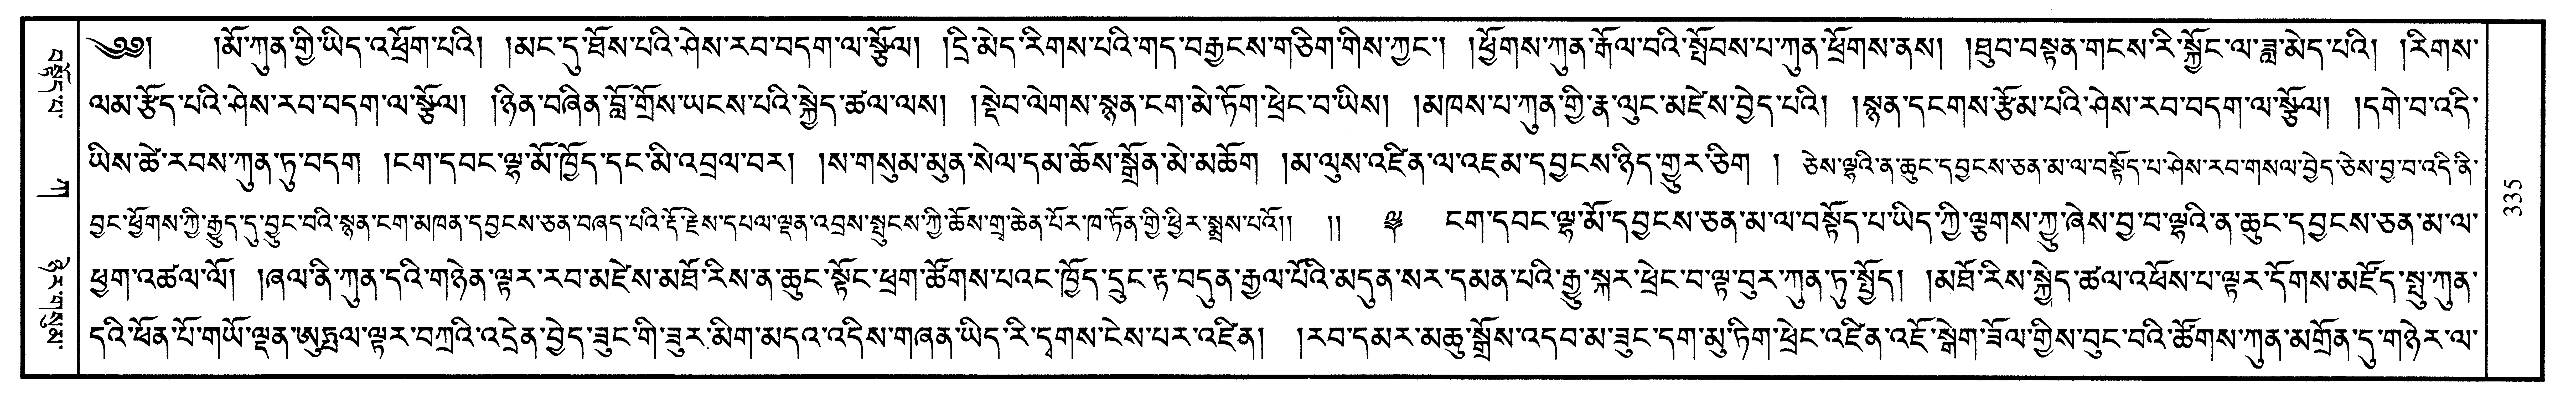༄༅། །མོ་ཀུན་གྱི་ཡིད་འཕྲོག་པའི། །མང་དུ་ཐོས་པའི་ཤེས་རབ་བདག་ལ་སྩོལ། །དྲི་མེད་རིགས་པའི་གད་བརྒྱངས་གཅིག་གིས་ཀྱང་། །ཕྱོགས་ཀུན་རྒོལ་བའི་སྤོབས་པ་ཀུན་ཕྲོགས་ནས། །ཐུབ་བསྟན་གངས་རི་སྐྱོང་ལ་ཟླ་མེད་པའི། །རིགས་
ལམ་རྩོད་པའི་ཤེས་རབ་བདག་ལ་སྩོལ། །ཉིན་བཞིན་བློ་གྲོས་ཡངས་པའི་སྐྱེད་ཚལ་ལས། །སྡེབ་ལེགས་སྙན་ངག་མེ་ཏོག་ཕྲེང་བ་ཡིས། །མཁས་པ་ཀུན་གྱི་རྣ་ལུང་མཛེས་བྱེད་པའི། །སྙན་དངགས་རྩོམ་པའི་ཤེས་རབ་བདག་ལ་སྩོལ། །དགེ་བ་འདི་
ཡིས་ཚེ་རབས་ཀུན་ཏུ་བདག །ངག་དབང་ལྷ་མོ་ཁྱོད་དང་མི་འབྲལ་བར། །ས་གསུམ་མུན་སེལ་དམ་ཆོས་སྒྲོན་མེ་མཆོག །མ་ལུས་འཛིན་ལ་འཇམ་དབྱངས་ཉིད་གྱུར་ཅིག །ཅེས་ལྷའི་ན་ཆུང་དབྱངས་ཅན་མ་ལ་བསྟོད་པ་ཤེས་རབ་གསལ་བྱེད་ཅེས་བྱ་བ་འདི་ནི་
བྱང་ཕྱོགས་ཀྱི་རྒྱུད་དུ་བྱུང་བའི་སྙན་ངག་མཁན་དབྱངས་ཅན་བཞད་པའི་རྡོ་རྗེས་དཔལ་ལྡན་འབྲས་སྤུངས་ཀྱི་ཆོས་གྲྭ་ཆེན་པོར་ཁ་ཏོན་གྱི་ཕྱིར་སྨྲས་པའོ།། །། ༈ ངག་དབང་ལྷ་མོ་དབྱངས་ཅན་མ་ལ་བསྟོད་པ་ཡིད་ཀྱི་ལྕགས་ཀྱུ་ཞེས་བྱ་བ་ལྷའི་ན་ཆུང་དབྱངས་ཅན་མ་ལ་
ཕྱག་འཚལ་ལོ། །ཞལ་ནི་ཀུན་དའི་གཉེན་ལྟར་རབ་མཛེས་མཐོ་རིས་ན་ཆུང་སྟོང་ཕྲག་ཚོགས་པའང་ཁྱོད་དྲུང་རྟ་བདུན་རྒྱལ་པོའི་མདུན་སར་དམན་པའི་རྒྱུ་སྐར་ཕྲེང་བ་ལྟ་བུར་ཀུན་ཏུ་སྤྱོད། །མཐོ་རིས་སྐྱེད་ཚལ་འཕོས་པ་ལྟར་དོགས་མཛོད་སྤུ་ཀུན་
དའི་ཕོན་པོ་གཡོ་ལྡན་ཨུཏྤལ་ལྟར་བཀྲའི་འདྲེན་བྱེད་ཟུང་གི་ཟུར་མིག་མདའ་འདིས་གཞན་ཡིད་རི་དྭགས་ངེས་པར་འཛིན། །རབ་དམར་མཆུ་སྒྲོས་འདབ་མ་ཟུང་དག་མུ་ཏིག་ཕྲེང་འཛིན་འཇོ་སྒེག་ཟོལ་གྱིས་བུང་བའི་ཚོགས་ཀུན་མགྲོན་དུ་གཉེར་ལ་